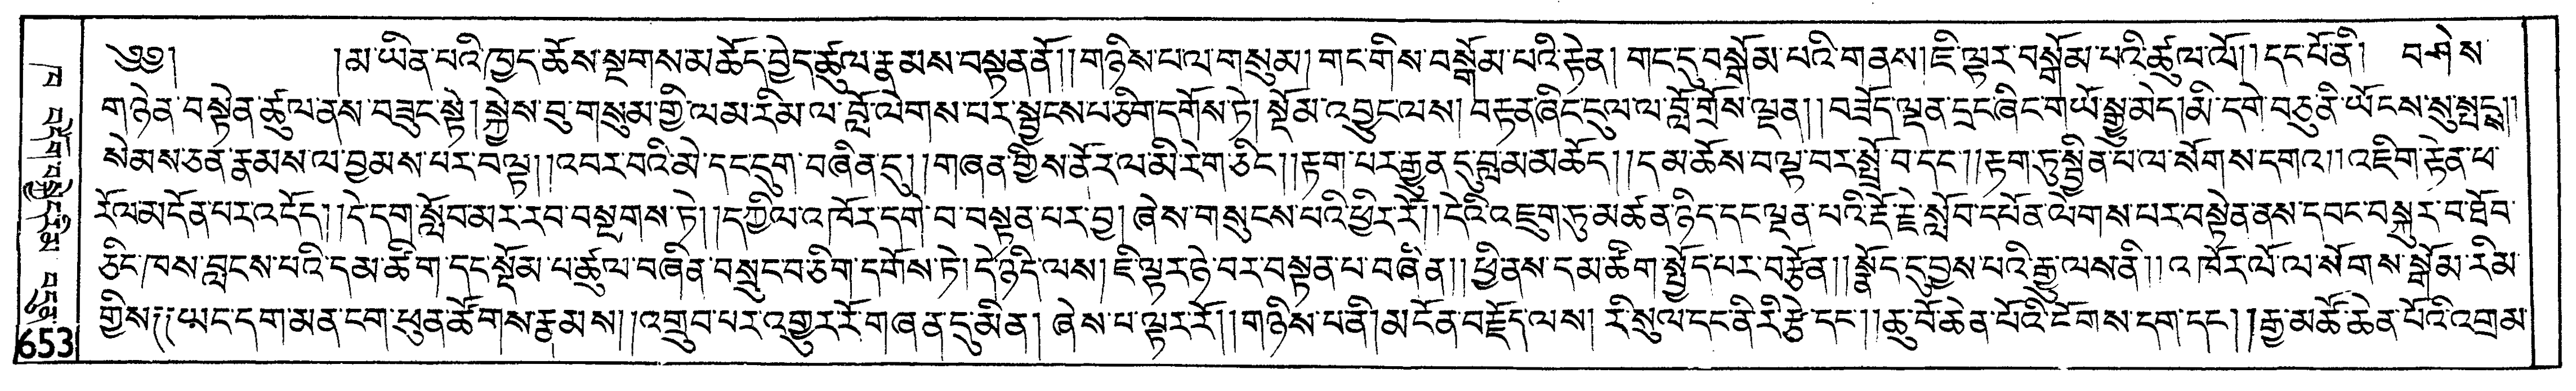༄༅། །མ་ཡིན་པའི་ཁྱད་ཆོས་སྔགས་མཆོད་བྱེད་ཚུལ་རྣམས་བསྟན་ནོ། །གཉིས་པ་ལ་གསུམ། གང་གིས་བསྒོམ་པའི་རྟེན། གང་དུ་བསྒོམ་པའི་གནས། ཇི་ལྟར་བསྒོམ་པའི་ཚུལ་ལོ། །དང་པོ་ནི། བཤེས་
གཉེན་བསྟེན་ཚུལ་ནས་བཟུང་སྟེ། སྐྱེས་བུ་གསུམ་གྱི་ལམ་རིམ་ལ་བློ་ལེགས་པར་སྦྱངས་པ་ཅིག་དགོས་ཏེ། སྡོམ་འབྱུང་ལས། བརྟན་ཞིང་དུལ་ལ་བློ་གྲོས་ལྡན། །བཟོད་ལྡན་དྲང་ཞིང་གཡོ་སྒྱུ་མེད། མི་དགེ་བཅུ་ནི་ཡོངས་སུ་སྤངས། །
སེམས་ཅན་རྣམས་ལ་བྱམས་པར་བལྟ། །འབར་བའི་མེ་དང་དུག་བཞིན་དུ། །གཞན་གྱིས་ནོར་ལ་མི་རེག་ཅིང་། །རྟག་པར་རྒྱུན་དུ་བླ་མ་མཆོད། །དམ་ཆོས་བལྟ་བར་སྤྲོ་བ་དང་། །རྟག་ཏུ་སྦྱིན་པ་ལ་སོགས་དགའ། །འཇིག་རྟེན་ཕ་
རོལ་མངོན་པར་འདོད། །དེ་དག་སློབ་མར་རབ་བསྔགས་ཏེ། །དཀྱིལ་འཁོར་དགེ་བ་བསྟན་པར་བྱ། ཞེས་གསུངས་པའི་ཕྱིར་རོ། །དེའི་འཇུག་ཏུ་མཚན་ཉིད་དང་ལྡན་པའི་རྡོ་རྗེ་སློབ་དཔོན་ལེགས་པར་བསྟེན་ནས་དབང་བསྐུར་བ་ཐོབ་
ཅིང་ཁས་བླངས་པའི་དམ་ཚིག་དང་སྡོམ་པ་ཚུལ་བཞིན་བསྲུང་བ་ཅིག་དགོས་ཏེ། དེ་ཉིད་ལས། ཇི་ལྟར་ཉེ་བར་བསྟན་པ་བཞིན། །ཕྱི་ནས་དམ་ཚིག་སྤྱོད་པར་བརྩོན། །སྣོད་དུ་བྱས་པའི་རྒྱུ་ལས་ནི། །འཁོར་ལོ་ལ་སོགས་སྒོམ་རིམ་
གྱིས། །ཡང་དག་མན་ངག་ཕུན་ཚོགས་རྣམས། །འགྲུབ་པར་འགྱུར་རོ་གཞན་དུ་མིན། ཞེས་པ་ལྟར་རོ། །གཉིས་པ་ནི། མངོན་བརྗོད་ལས། རི་སུལ་དང་ནི་རི་རྩེ་དང་། །ཆུ་བོ་ཆེན་པོའི་དོགས་དག་དང་། །རྒྱ་མཚོ་ཆེན་པོའི་འགྲམ་